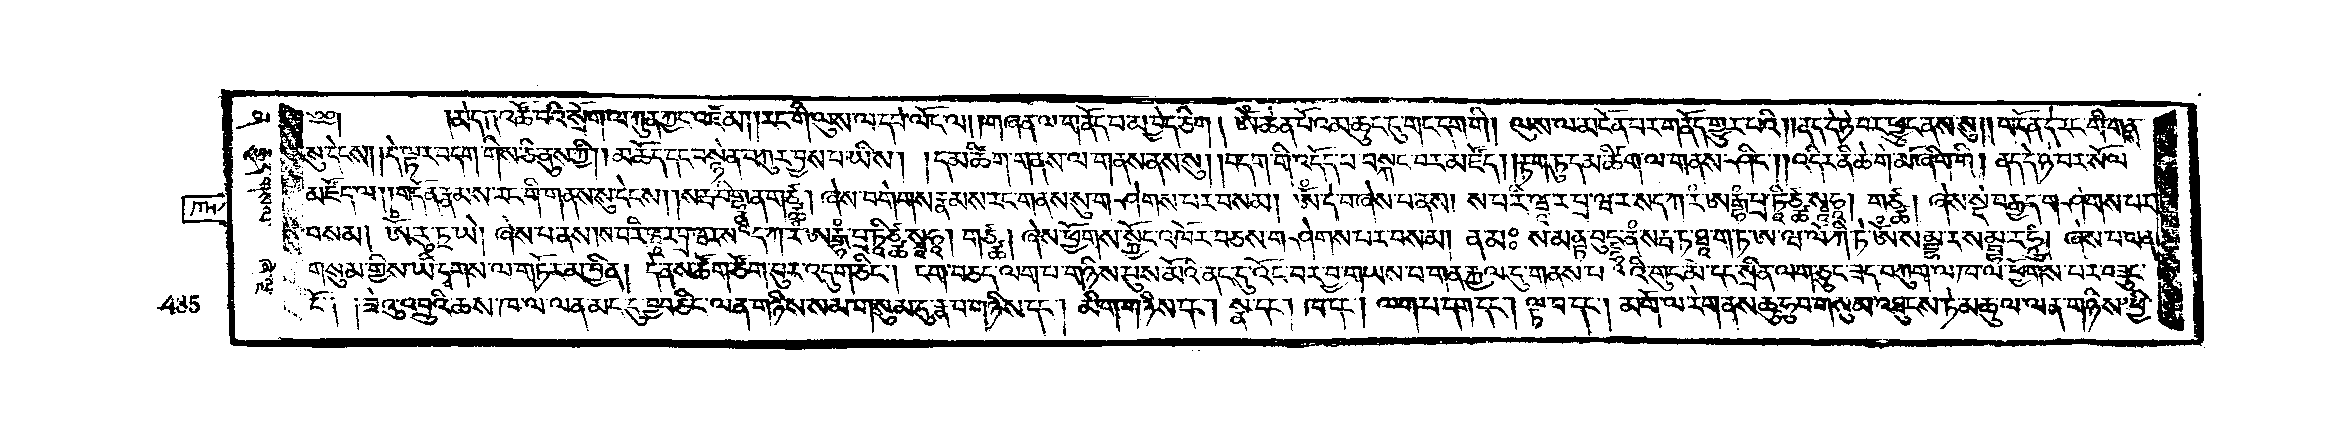༄༅། །མེད། །འཚོ་བའི་སྲོག་ལ་ཀུན་ཀྱང་འཛེམ། །རང་གི་ལུས་ལ་དཔེ་ལོང་ལ། །གཞན་ལ་གནོད་པ་མ་བྱེད་ཅིག །ཨོཾ་ཆེན་པོའམ་ཆུང་ངུ་གང་དག་གི །ལུས་ལ་མངོན་པར་གནོད་གྱུར་པའི། །ནད་དེ་ཉེ་བར་ཕྱུང་ནས་སུ། །གདོན་དེ་རང་གི་གནས་
སུ་དེངས། །དེ་ལྟར་བདག་གིས་ཅི་ནུས་ཀྱི། །མཆོད་དང་བསྙེན་བཀུར་བྱས་པ་ཡིས། །དམ་ཚིག་གནས་ལ་གནས་ནས་སུ། །བདག་གི་འདོད་པ་བསྐང་བར་མཛོད། །རྟག་ཏུ་དམ་ཚིག་ལ་གནས་ཤིང་། །འདིར་ནི་ཆེ་གེ་མོ་ཞིག་གི །ནད་དེ་ཉེ་བར་སོལ་
མཛོད་ལ། །གདོན་རྣམས་རང་གི་གནས་སུ་དེངས། །སརྦ་བིགྷྣའ་ན་གཙྪ། ཞེས་བགེགས་རྣམས་རང་གནས་སུ་གཤེགས་པར་བསམ། ཨོཾ་དེ་བ་ཞེས་པ་ནས། ས་པ་རི་ཝཱ་ར་པྲ་ཝ་ར་སད་ཀ་རཾ་ཨརྒྷཾ་པྲ་ཏཱི་ཙྪ་སྭཱ་ཧཱ། གཙྪ། ཞེས་སྡེ་བརྒྱད་གཤེགས་པར་
བསམ། ཨོཾ་རུ་ཏྲ་ཡེ། ཞེས་པ་ནས། ས་པ་རི་ཝཱ་ར་པྲ་ཝ་ར་སད་ཀ་རཾ་ཨརྒྷཾ་པྲ་ཏཱི་ཙྪ་སྭཱ་ཧཱ། གཙྪ། ཞེས་ཕྱོགས་སྐྱོང་འཁོར་བཅས་གཤེགས་པར་བསམ། ན་མ་H ས་མནྟ་བུདྡྷཱ་ནཾ་སརྦ་ཏ་ཐཱ་ག་ཏ་ཨ་ཝ་ལོ་ཀི་ཏེ་ཨོཾ་སམྦྷ་ར་སམྦྷ་ར་ཧཱུཾ། ཞེས་པ་ལན་
གསུམ་གྱིས་ཡི་དྭགས་ལ་གཏོར་མ་བྱིན། དེ་ནས་ཙོག་ཙོག་པུར་འདུག་ཅིང་། ངག་བཅད་ལག་པ་གཉིས་པུས་མོའི་ནང་དུ་འོང་བར་བྱ་གཡས་པ་གན་རྐྱལ་དུ་གནས་པའི་གུང་མེ་དང་སྲིན་ལག་ཅུང་ཟད་བཀུག་ལ་ཁ་ལ་ཕྱོགས་པར་བཟུང་
ངོ། །ཟེའུ་འབྲུའི་ཆས་ཁ་ལ་ལན་མང་དུ་བྱབ་ཅིང་ལན་གཉིས་སམ་གསུམ་དུ་རྣ་བ་གཉིས་དང་། མིག་གཉིས་དང་། སྣ་དང་། ཁ་དང་། ལག་པ་དག་དང་། ལྟེ་བ་དང་། མགོ་ལ་རེག་ནས་ཆུ་ཧུབ་གསུམ་འཐུངས་ཏེ་མཆུ་ལ་ལན་གཉིས་ཕྱི་